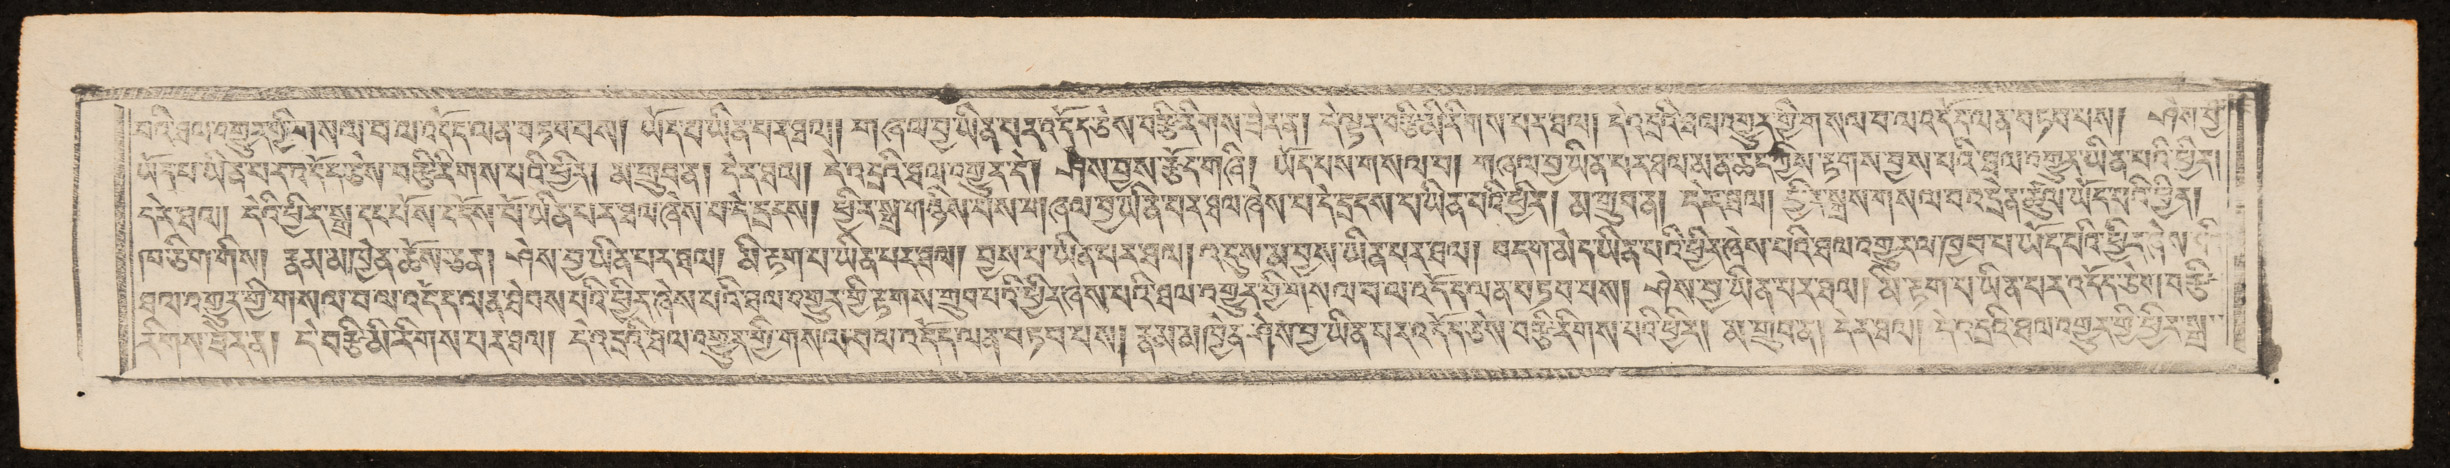པའི་ཐལ་འགྱུར་གྱི་གསལ་བ་ལ་འདོད་ལན་བཏབ་པས། ཡོད་པ་ཡིན་པར་ཐལ། གཞལ་བྱ་ཡིན་པར་འདོད་ཅེས་བརྩི་རིགས་ཟེར་ན། དེ་ལྟར་བརྩི་མི་རིགས་པར་ཐལ། དེ་འདྲའི་ཐལ་འགྱུར་གྱི་གསལ་བ་ལ་འདོད་ལན་བཏབ་པས། ཤེས་བྱ་
ཡོད་པ་ཡིན་པར་འདོད་ཅེས་བརྩི་རིགས་པའི་ཕྱིར། མ་གྲུབ་ན། དེར་ཐལ། དེ་འདྲའི་ཐལ་འགྱུར་དེ། ཤེས་བྱ་རྩོད་གཞི། ཡོད་པས་གསལ་བ། གཞལ་བྱ་ཡིན་པར་ཐལ་མན་ཆད་ཀྱིས་རྟགས་བྱས་པའི་ཐལ་འགྱུར་ཡིན་པའི་ཕྱིར།
དེར་ཐལ། དེའི་ཕྱིར་སྒྲ་དང་པོས་དངོས་པོ་ཡིན་པར་ཐལ་ཞེས་པ་དེ་དྲངས། ཕྱིར་སྒྲ་གཉིས་པས་གཞལ་བྱ་ཡིན་པར་ཐལ་ཞེས་པ་དེ་དྲངས་པ་ཡིན་པའི་ཕྱིར། མ་གྲུབ་ན། དེར་ཐལ། ཕྱིར་སྒྲས་གསལ་བ་འདྲེན་ཚུལ་ཡོད་པའི་ཕྱིར།
ཁ་ཅིག་གིས། རྣམ་མཁྱེན་ཆོས་ཅན། ཤེས་བྱ་ཡིན་པར་ཐལ། མི་རྟག་པ་ཡིན་པར་ཐལ། བྱས་པ་ཡིན་པར་ཐལ། འདུས་མ་བྱས་ཡིན་པར་ཐལ། བདག་མེད་ཡིན་པའི་ཕྱིར་ཞེས་པའི་ཐལ་འགྱུར་ལ་ཁྱབ་པ་ཡོད་པའི་ཕྱིར་ཞེས་པའི་
ཐལ་འགྱུར་གྱི་གསལ་བ་ལ་འདོད་ལན་ཐེབས་པའི་ཕྱིར་ཞེས་པའི་ཐལ་འགྱུར་གྱི་རྟགས་གྲུབ་པའི་ཕྱིར་ཞེས་པའི་ཐལ་འགྱུར་གྱི་གསལ་བ་ལ་འདོད་ལན་བཏབ་པས། ཤེས་བྱ་ཡིན་པར་ཐལ། མི་རྟག་པ་ཡིན་པར་འདོད་ཅེས་བརྩི་
རིགས་ཟེར་ན། དེ་བརྩི་མི་རིགས་པར་ཐལ། དེ་འདྲའི་ཐལ་འགྱུར་གྱི་གསལ་བ་ལ་འདོད་ལན་བཏབ་པས། རྣམ་མཁྱེན་ཤེས་བྱ་ཡིན་པར་འདོད་ཅེས་རྩི་རིགས་པའི་ཕྱིར། མ་གྲུབ་ན། དེར་ཐལ། དེ་འདྲའི་ཐལ་འགྱུར་གྱི་ཕྱིར་སྒྲ་